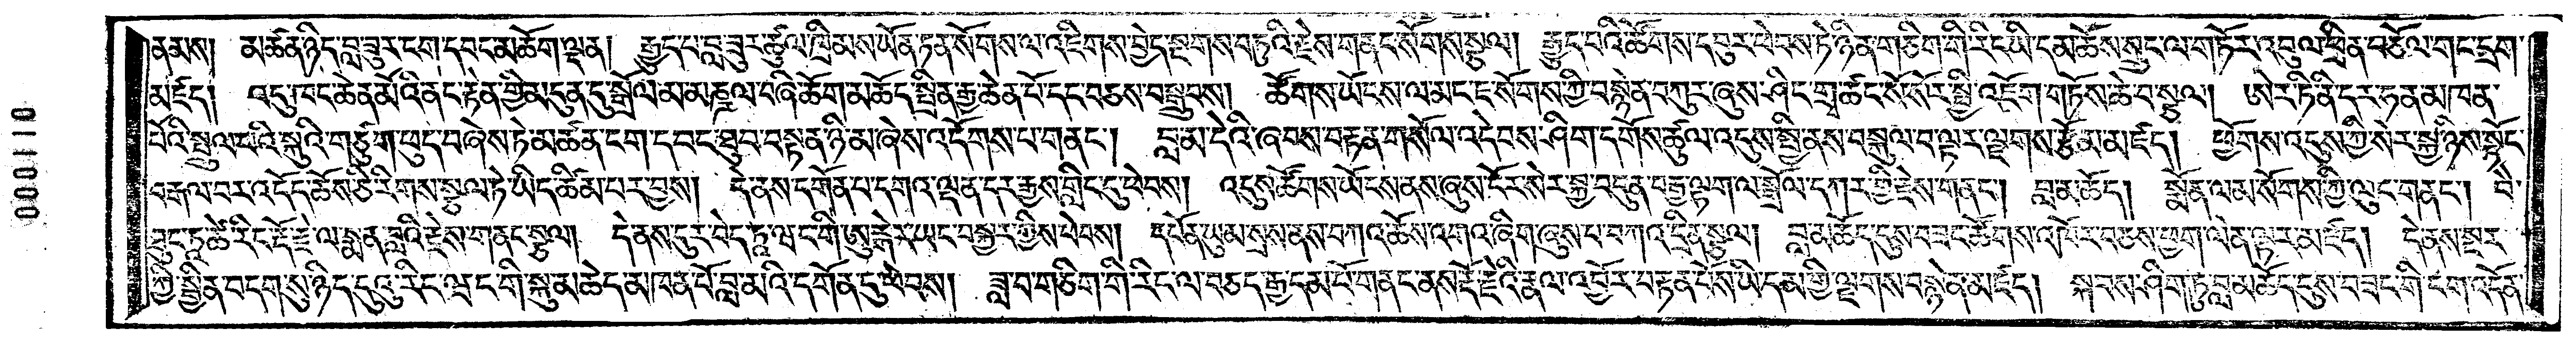ནམས། མཚན་ཉིད་བླ་ཟུར་ངག་དབང་མཆོག་ལྡན། རྒྱུད་པ་བླ་ཟུར་ཚུལ་ཁྲིམས་ཡོན་ཏན་སོགས་ལ་འཇིགས་བྱེད་སྔགས་བཏུའི་རྗེས་གནང་སོགས་སྩལ། རྒྱུད་བའི་ཚོགས་དབུར་ཕེབས་ཏེ་ཉིན་གཅིག་གི་རིང་ཡི་དམ་ཆོས་སྲུང་ལ་གཏོར་འབུལ་ཕྲིན་བཅོལ་གང་དྲག་
མཛད། འདུ་ཁང་ཆེན་མོའི་ནང་རྟེན་གྱི་མདུན་དུ་སྒྲོལ་མ་མཎྜལ་བཞི་ཆོག་མཆོད་སྤྲིན་རྒྱ་ཆེན་པོ་དང་བཅས་བསྒྲུབས། ཚོགས་ཡོངས་ལ་མང་ཇ་སོགས་ཀྱི་བསྙེན་བཀུར་ཞུས་ཤིང་གྲྭ་ཚང་སོ་སོར་སྦྱི་འཇོག་གཏོས་ཆེ་བ་སྩལ། ཨེར་ཏི་ནི་དར་ཧན་མཁན་
པོའི་སྤྲུལ་པའི་སྐུའི་གཙུག་ཕུད་བཞེས་ཏེ་མཚན་ངག་དབང་ཐུབ་བསྟན་ཉི་མ་ཞེས་འདོགས་པ་གནང་། བླ་མ་དེའི་ཞབས་བརྟན་གསོལ་འདེབས་ཤིག་དགོས་ཚུལ་འདུས་སྤྱི་ནས་བསྐུལ་བ་ལྟར་ལྗགས་རྩོམ་མཛད། ཕྱོགས་འདུས་ཀྱི་སེར་སྐྱ་ཉིས་སྟོང་
བརྒལ་བར་འདོད་ཆོས་ཅི་རིགས་སྩལ་ཏེ་ཡིད་ཚིམ་བར་བྱས། དེ་ནས་དགོན་བ་དགའ་ལྡན་དར་རྒྱས་གླིང་དུ་ཕེབས། འདུས་ཚོགས་ཡོངས་ནས་ཞུས་ངོར་སེར་སྐྱ་བདུན་བརྒྱ་ལྷག་ལ་སྒྲོལ་དཀར་གྱི་རྗེས་གནང་། བླ་མཆོད། སྨོན་ལམ་སོགས་ཀྱི་ལུང་གནང་། བཻ་
ཐུང་ཏཱ་ཚེ་རིང་རྡོ་རྗེ་ལ་སྨན་བླའི་རྗེས་གནང་སྩལ། དེ་ནས་དུར་བེད་ཏཱ་ཝང་གི་ཨུརྒེར་ཡང་བསྐྱར་གྱིས་ཕེབས། དཔོན་ཡུམ་སྲས་ནས་བཀའ་ཆོས་འགའ་ཞིག་ཞུས་པ་བཀའ་དྲིན་སྩལ། བླ་མཆོད་དུས་བཟང་ཚོགས་འཁོར་བཅས་ཕྱག་ལེན་ལྟར་མཛད། དེ་ནས་སྔར་
ཀྱི་སྦྱིན་བདག་སུ་ཉིད་དུའུ་རིང་ཝང་གི་སྐུ་མཆེད་མཁན་པོ་བླ་མའི་དགོན་དུ་ཕེབས། ཟླ་བ་གཅིག་གི་རིང་ལ་བཅད་རྒྱ་དམ་བོ་གནང་ནས་རྡོ་རྗེའི་རྣལ་འབྱོར་བརྟན་པོས་ཡི་དམ་གྱི་ལྗགས་བསྙེན་མཛད། སྐབས་ཤིག་ཏུ་བླ་མཆོད་དུས་བཟང་གི་ངག་འདོན་